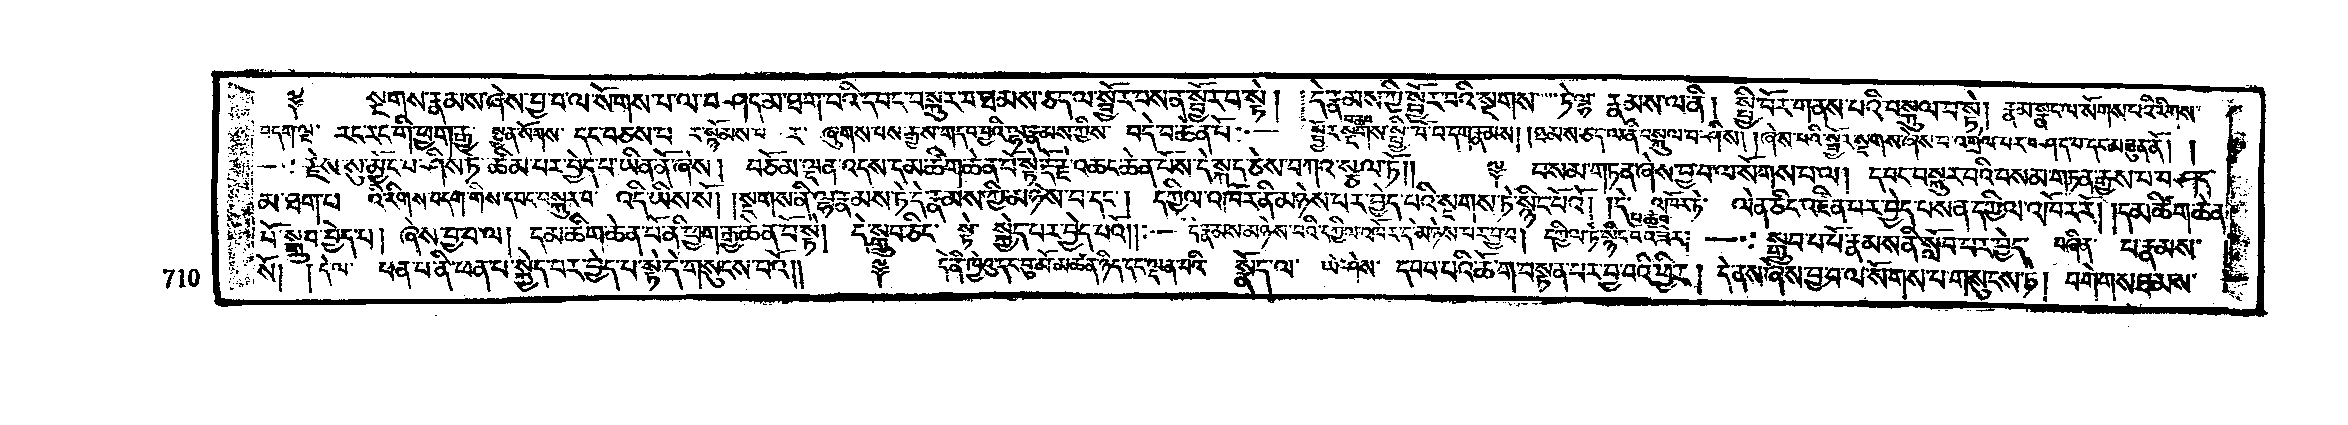༈ སྔགས་རྣམས་ཞེས་བྱ་བ་ལ་སོགས་པ་ལ་བཤད་མ་ཐག་པའི་དབང་བསྐུར་བ་ཐམས་ཅད་ལ་སྦྱོར་བས་ན་སྦྱོར་བ་སྟེ། དེ་རྣམས་ཀྱི་སྦྱོར་བའི་སྔགས་ཏེ་ལྷ་རྣམས་ལ་ནི། སྤྱི་བོར་གནས་པའི་བསྐུལ་བ་སྟེ། རྣམ་སྣང་ལ་སོགས་པའི་རིགས་
བདག་ལྔ་རང་རང་གི་ཕྱག་རྒྱ་སྤྱན་སོགས་དང་བཅས་པར་སྙོམས་པར་ཞུགས་པས་རྒྱས་གདབ་བྱའི་ལྷ་རྣམས་ཀྱིས་བདེ་བ་ཆེན་པོ་H.་སྦྱོར་པ་ཚབ་སྔགས་སྤྱི་བོ་པ་དག་རྣམས། །ཐམས་ཅད་ལ་ནི་བསྐུལ་བ་ཤིས། །ཞེས་པའི་སྦྱོར་སྔགས་ཞེས་པ་འགྲེལ་པར་བཤད་པ་དང་མཐུན་ནོ། །
.H རྗེས་སུ་མྱོང་བ་ཤིས་ཏེ་ཚིམ་པར་བྱེད་པ་ཡིན་ནོ། བཅོམ་ལྡན་འདས་དམ་ཚིག་ཆེན་པོ་སྟེ་རྡོ་རྗེ་འཆང་ཆེན་པོས་དེ་སྐད་ཅེས་བཀའ་སྩལ་ཏོ། ། ༈ བསམ་གཏན་ཞེས་བྱ་བ་ལ་སོགས་པ་ལ། དབང་བསྐུར་བའི་བསམ་གཏན་རྒྱས་པ་བཤད་
མ་ཐག་པའི་རིགས་བདག་གིས་དབང་བསྐུར་བ་འདི་ཡིས་སོ། །སྔགས་ནི་ལྷ་རྣམས་ཏེ་དེ་རྣམས་ཀྱི་མཉེས་པ་དང་། དཀྱིལ་འཁོར་ནི་མཉེས་པར་བྱེད་པའི་སྔགས་ཏེ་སྙིང་པོའོ། །དེ་པ་ཚབ་འཁོར་ཏེ་ལེན་ཅིང་འཛིན་པར་བྱེད་པས་ན་དཀྱིལ་འཁོར་རོ། །དམ་ཚིག་ཆེན་
པོ་སྒྲུབ་བྱེད་པ། ཞེས་བྱ་བ་ལ། དམ་ཚིག་ཆེན་པོ་ནི་ཕྱག་རྒྱ་ཆེན་པོ་སྟེ། དེ་སྒྲུབ་ཅིང་། སྟེ་སྐྱེད་པར་བྱེད་པའོ། །H.་དེ་རྣམས་མཉེས་པའི་དཀྱིལ་འཁོར་དེ་མཉེས་པར་བྱ་བ། དཀྱིལ་ཏེ་སྙིང་པོའོ་ཟེར།  སྒྲུབ་པ་པོ་རྣམས་ནི་སློབ་པར་བྱེད་བཞིན་པ་རྣམས་
སོ། །དེ་ལ་ཕན་པ་ནི་ཕན་པ་སྐྱེད་པར་བྱེད་པ་སྟེ་དེ་གསུངས་པའོ། ། ༈ དེ་ནི་ཁྱེའུ་དང་བུ་མོ་མཚན་ཉིད་དང་ལྡན་པའི་སྣོད་ལ་ཡེ་ཤེས་དབབ་པའི་ཆོ་ག་བསྟན་པར་བྱ་བའི་ཕྱིར། དེ་ནས་ཞེས་བྱ་བ་ལ་སོགས་པ་གསུངས་ཏེ། བགེགས་ཐམས་